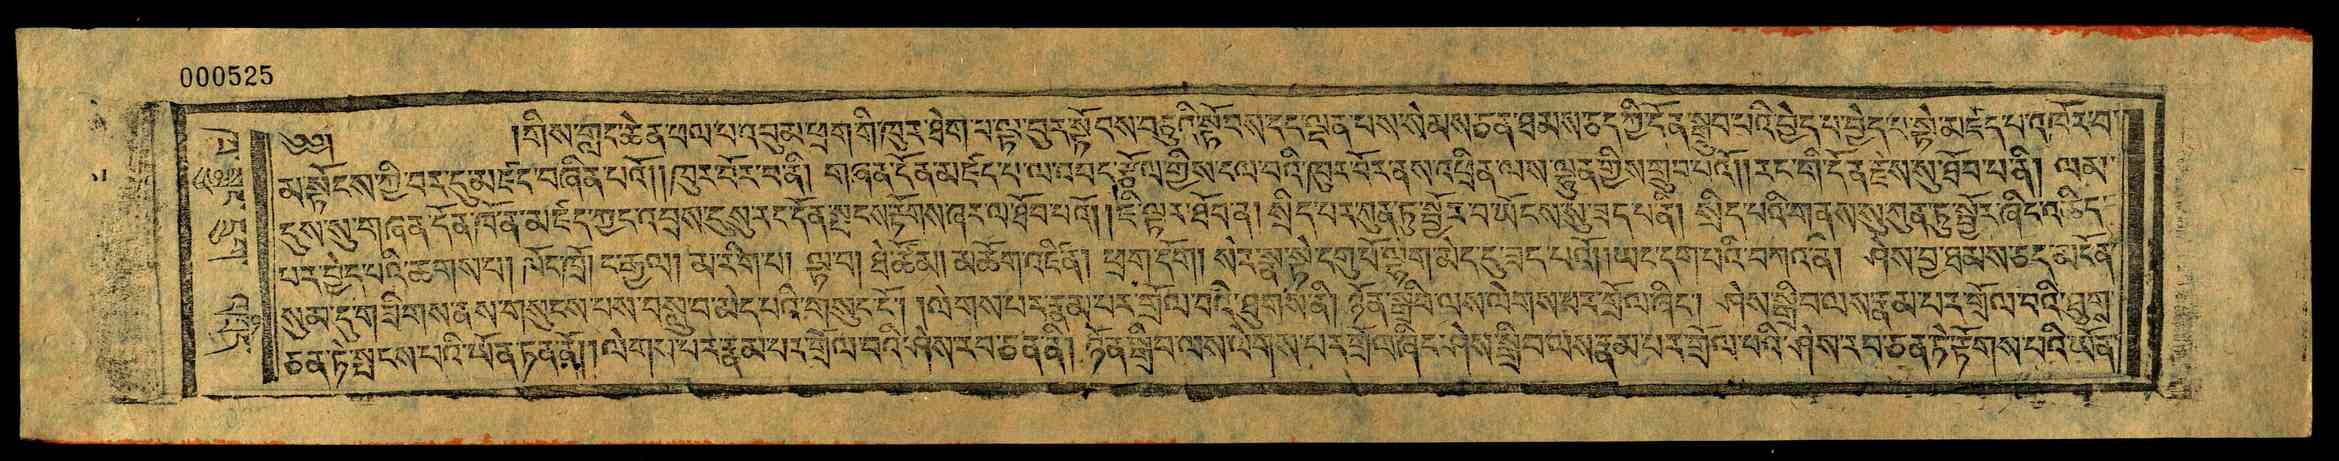༄༅། །གིས་གླང་ཆེན་ཕལ་པ་འབུམ་ཕྲག་གི་ཁུར་ཐེག་པ་ལྟ་བུར་སྟོབས་བཅུའི་སྟོབས་དང་ལྡན་པས་སེམས་ཅན་ཐམས་ཅད་ཀྱི་དོན་སྒྲུབ་པའི་བྱེད་པ་བྱེད་པ་སྟེ་མཛད་པ་འཁོར་བ་
མ་སྟོངས་ཀྱི་བར་དུ་མཛད་བཞིན་པའོ། །ཁུར་བོར་བ་ནི། གཞན་དོན་མཛད་པ་ལ་འབད་རྩོལ་གྱིས་ངལ་བའི་ཁུར་བོར་ནས་འཕྲིན་ལས་ལྷུན་གྱིས་གྲུབ་པའོ། །རང་གི་དོན་རྗེས་སུ་ཐོབ་པ་ནི། ལམ་
དུས་སུ་གཞན་དོན་ཁོ་ན་མཛད་ཀྱང་འབྲས་དུས་སུ་རང་དོན་སྤངས་རྟོགས་ཞར་ལ་ཐོབ་པའོ། །ཇི་ལྟར་ཐོབ་ན། སྲིད་པར་ཀུན་ཏུ་སྦྱོར་བ་ཡོངས་སུ་ཟད་པ་ནི། སྲིད་པའི་གནས་སུ་ཀུན་ཏུ་སྦྱོར་ཞིང་འཆིང་
བར་བྱེད་པའི་ཆགས་པ། ཁོང་ཁྲོ། ང་རྒྱལ། མ་རིག་པ། ལྟ་བ། ཐེ་ཚོམ། མཆོག་འཛིན། ཕྲག་དོག་སེར་སྣ་སྟེ་དགུ་པོ་ལྟག་མེད་དུ་ཟད་པའོ། །ཡང་དག་པའི་བཀའ་ནི། ཤེས་བྱ་ཐམས་ཅད་མངོན་
སུམ་དུ་གཟིགས་ནས་གསུངས་པས་བསླུ་བ་མེད་པའི་གསུང་ངོ། །ལེགས་པར་རྣམ་པར་གྲོལ་བའི་ཐུགས་ནི། ཉོན་སྒྲིབ་ལས་ལེགས་པར་གྲོལ་ཞིང་། ཤེས་སྒྲིབ་ལས་རྣམ་པར་གྲོལ་བའི་ཐུགས་
ཅན་ཏེ་སྤངས་པའི་ཡོན་ཏན་ནོ། །ལེགས་པར་རྣམ་པར་གྲོལ་བའི་ཤེས་རབ་ཅན་ནི། ཉོན་སྒྲིབ་ལས་ལེགས་པར་གྲོལ་ཞིང་ཤེས་སྒྲིབ་ལས་རྣམ་པར་གྲོལ་བའི་ཤེས་རབ་ཅན་ཏེ་རྟོགས་པའི་ཡོན་